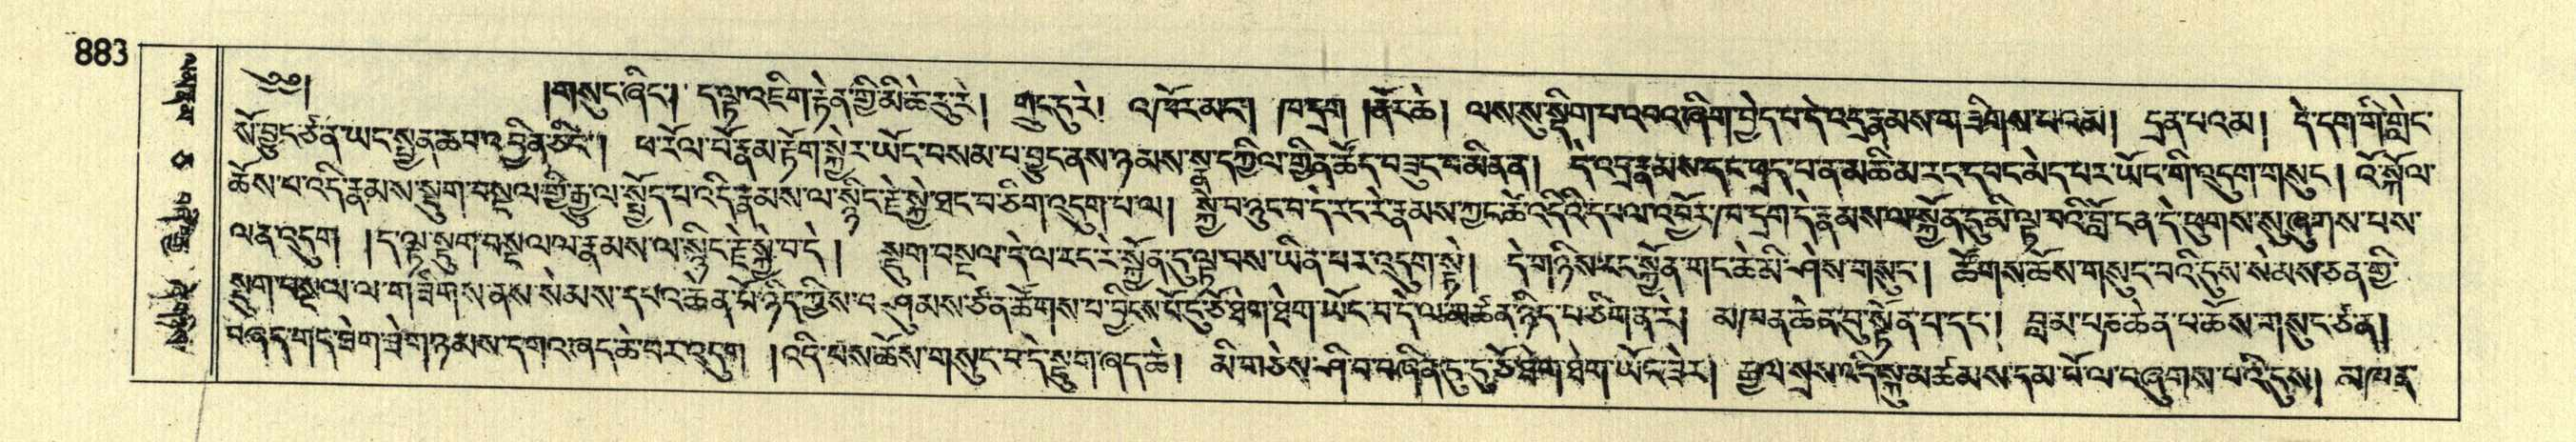༄༅། །གསུང་ཞིང་། ད་ལྟ་འཇིག་རྟེན་གྱི་མི་ཆེ་རུ་རེ། གྲུང་དུ་རེ། འཁོར་མང་། ཁ་དྲག །ནོར་ཆེ། ལས་སུ་སྡིག་པ་འབའ་ཞིག་བྱེད་པ་དེ་འདྲ་རྣམས་གཟིགས་པའམ། དྲན་པའམ། དེ་དག་གི་གླེང་
སོ་བྱུང་ཙ་ན་ཡང་སྤྱན་ཆབ་འབྱིན་ཅིང་། ཕ་རོལ་པོ་རྣམ་རྟོག་སྐྱེར་ཡོང་བསམ་པ་བྱུང་ནས་ཉམས་སྣ་དཀྱིལ་གྱིན་ཚོད་བཟུང་བ་མིན་ན། དེ་འདྲ་རྣམས་དང་ཕྲད་པ་ན་མཆི་མ་རང་དབང་མེད་པར་ཡོང་གི་འདུག་གསུང་། འོ་སྐོལ་
ཆོས་པ་འདི་རྣམས་སྡུག་བསྔལ་གྱི་རྒྱུ་ལ་སྤྱོད་པ་འདི་རྣམས་ལ་སྙིང་རྗེ་སྐྱེ་ཐང་བ་ཅིག་འདུག་པ་ལ། སྐྱེ་བ་ཉུང་བ་དེ་རང་རེ་རྣམས་ཀྱང་ཚེ་འདིའི་དཔལ་འབྱོར་ཁ་དྲག་དེ་རྣམས་ལ་སྐྱོན་དུ་མི་ལྟ་བའི་བློ་ངན་དེ་ཕུགས་སུ་ཞུགས་པས་
ལན་འདུག །ད་ལྟ་སྡུག་བསྔལ་ལ་རྣམས་ལ་སྙིང་རྗེ་སྐྱེ་བ་དེ། སྡུག་བསྔལ་དེ་ལ་རང་རེ་སྐྱོན་དུ་ལྟ་བས་ཡིན་པར་འདུག་སྟེ། དེ་གཉིས་རང་སྐྱོན་གང་ཆེ་མི་ཤེས་གསུང་། ཚོགས་ཆོས་གསུང་བའི་དུས་སེམས་ཅན་གྱི་
སྡུག་བསྔལ་ལ་གཟིགས་ནས་སེམས་དཔའ་ཆེན་པོ་ཉིད་ཀྱིས་བཤུམས་ཙ་ན་ཚོགས་པ་བྱིངས་པོ་དུ་ཅོ་ཐེག་ཐེག་ཡོང་བ་དེ་ལ་མཚན་ཉིད་པ་ཅིག་ན་རེ། མཁན་ཆེན་བུ་སྟོན་པ་དང་། བླ་མ་པཎ་ཆེན་པ་ཆོས་གསུང་ཙ་ན།
བཞད་གད་ཟེག་ཟེག་ཉམས་དགའ་ཞད་ཆེ་བར་འདུག །འདི་པས་ཆོས་གསུང་བ་དེ་སྡུག་ཞད་ཆེ། མི་གཅེས་ཤི་བ་བཞིན་དུ་དུ་ཅོ་ཐེག་ཐེག་ཡོང་ཟེར། རྒྱལ་སྲས་འདི་སྐུ་མཚམས་དམ་པོ་ལ་བཞུགས་པའི་དུས། མཁན་